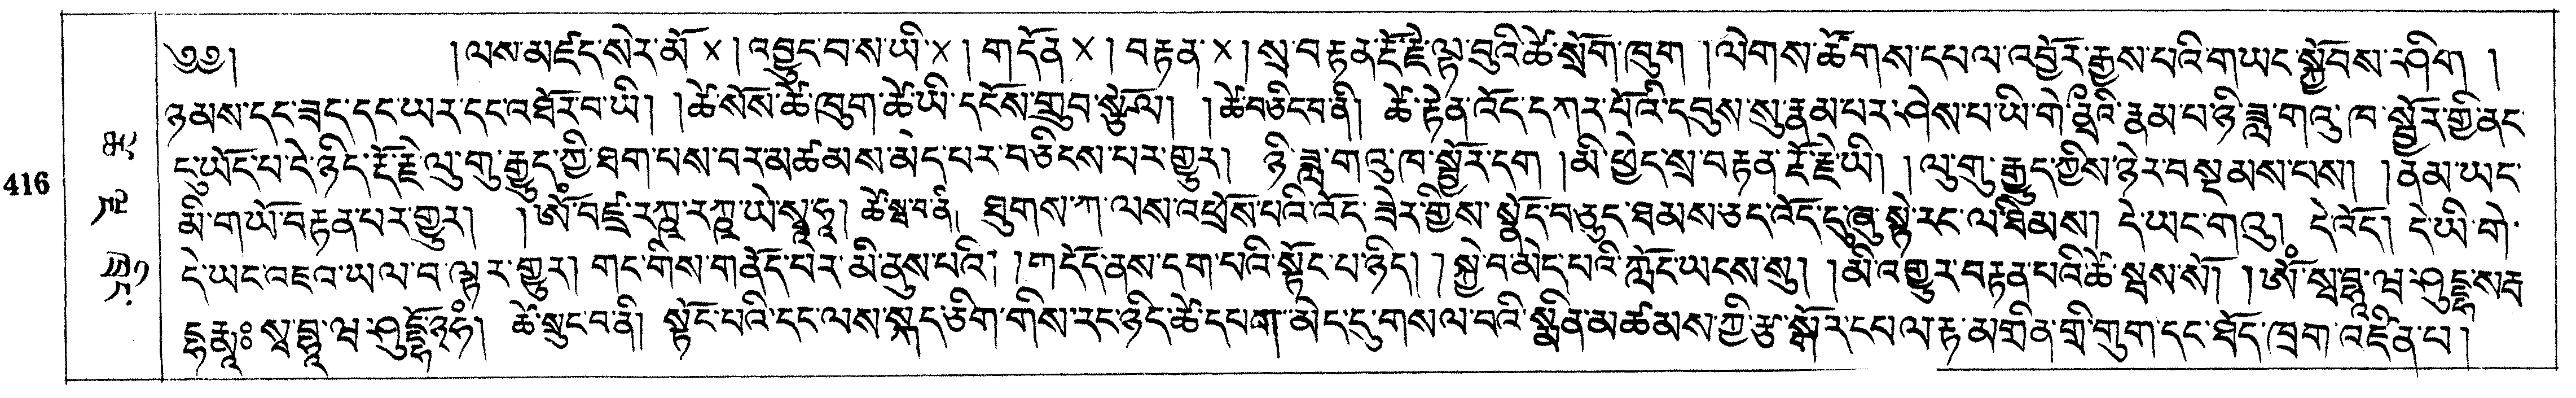༄༅། །ལས་མཛད་སེར་མོ྾། འབྱུང་བ་ས་ཡི྾། གདོན྾། བརྟན྾། སྲ་བརྟན་རྡོ་རྗེ་ལྟ་བུའི་ཚེ་སྲོག་ཁུག །ལེགས་ཚོགས་དཔལ་འབྱོར་རྒྱས་པའི་གཡང་སྐྱོབས་ཤིག །
ཉམས་དང་ཟད་དང་ཡར་དང་འཐོར་བ་ཡི། །ཚེ་སོས་ཚེ་ཁུག་ཚེ་ཡི་དངོས་གྲུབ་སྩོལ། །ཚེ་བཅིང་བ་ནི། ཚེ་རྟེན་འོད་དཀར་པོའི་དབུས་སུ་རྣམ་པར་ཤེས་པ་ཡི་གེ་ནྲྀའི་རྣམ་པ་ཉི་ཟླ་གའུ་ཁ་སྦྱོར་གྱི་ནང་
དུ་ཡོད་པ་དེ་ཉིད་རྡོ་རྗེ་ལུ་གུ་རྒྱུད་ཀྱི་ཐག་པས་བར་མཚམས་མེད་པར་བཅིངས་པར་གྱུར། ཉི་ཟླ་གའུ་ཁ་སྦྱོར་དག །མི་ཕྱེད་སྲ་བརྟན་རྡོ་རྗེ་ཡི། །ལུ་གུ་རྒྱུད་ཀྱིས་ཉེར་བསྡམས་པས། །ནམ་ཡང་
མི་གཡོ་བརྟན་པར་གྱུར། །ཨོཾ་བཛྲ་རཀྵ་རཀྵ་ཡེ་སྭཱ་ཧཱ། ཚེ་སྦ་བ་ནི། ཐུགས་ཀ་ལས་འཕྲོས་པའི་འོད་ཟེར་གྱིས་སྣོད་བཅུད་ཐམས་ཅད་འོད་དུ་ཞུ་སྟེ་རང་ལ་ཐིམས། དེ་ཡང་གའུ། དེ་འོད། དེ་ཡི་གེ་
དེ་ཡང་འཇའ་ཡལ་བ་ལྟར་གྱུར། གང་གིས་གནོད་པར་མི་ནུས་པའི། །གདོད་ནས་དག་པའི་སྟོང་པ་ཉིད། །སྐྱེ་བ་མེད་པའི་ཀློང་ཡངས་སུ། །མི་འགྱུར་བརྟན་པའི་ཚེ་སྦས་སོ། །ཨོཾ་སྭ་བྷཱ་ཝ་ཤུདྡྷ་སརྦ་
དྷརྨཱཿ སྭ་བྷཱ་ཝ་ཤུདྡྷོ་ཉཧཾ། ཚེ་སྲུང་བ་ནི། སྟོང་པའི་ངང་ལས་སྐད་ཅིག་གིས་རང་ཉིད་ཚེ་དཔག་མེད་དུ་གསལ་བའི་སྨིན་མཚམས་ཀྱི་རྩ་སྒོར་དཔལ་རྟ་མགྲིན་གྲི་གུག་དང་ཐོད་ཁྲག་འཛིན་པ།